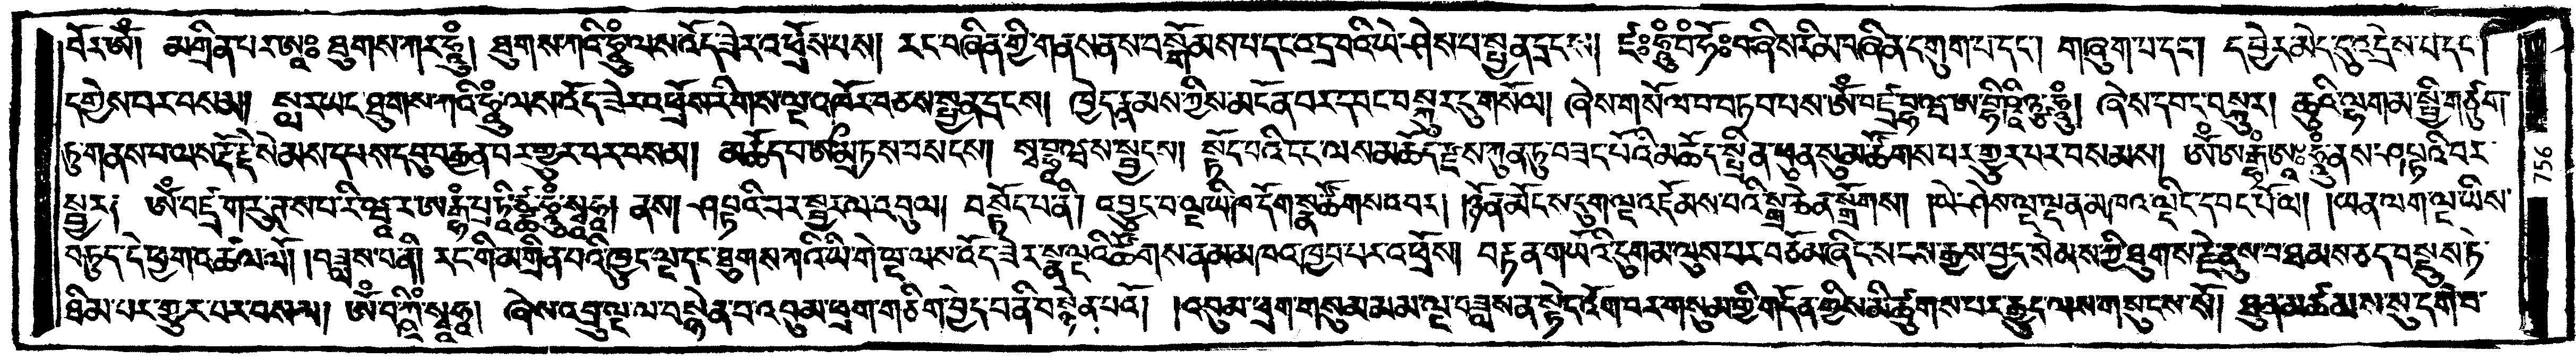བོར་ཨོཾ། མགྲིན་པར་ཨཱཿ ཐུགས་ཀར་ཧཱུཾ། ཐུགས་ཀའི་ཧཱུཾ་ལས་འོད་ཟེར་འཕྲོས་པས། རང་བཞིན་གྱི་གནས་ནས་བསྒོམས་པ་དང་འདྲ་བའི་ཡེ་ཤེས་པ་སྤྱན་དྲངས། ཛཿ ཧཱུཾ་བཾ་ཧོཿ བཞིས་རིམ་བཞིན་དགུག་པ་དང་། གཞུག་པ་དང་། དབྱེར་མེད་དུ་འདྲེས་པ་དང་།
དགྱེས་བར་བསམ། སླར་ཡང་ཐུགས་ཀའི་ཧཱུཾ་ལས་འོད་ཟེར་འཕྲོས་རིགས་ལྔ་འཁོར་བཅས་སྤྱན་དྲངས། ཁྱེད་རྣམས་ཀྱིས་མངོན་པར་དབང་བསྐུར་དུ་གསོལ། ཞེས་གསོལ་བ་བཏབ་པས་ཨོཾ་བཛྲ་བྷ་ཝ་ཨ་བྷི་ཥཱི་ཉྩ་ཧཱུཾ། ཞེས་དབང་བསྐུར། ཆུའི་ལྷག་མ་སྤྱིན་གཙུག་
ཏུ་གནས་པ་ལས་རྡོ་རྗེ་སེམས་དཔས་དབུ་བརྒྱན་པར་གྱུར་པར་བསམ། མཆོད་པ་ཨྀ་མྲ་ཏས་བསངས། སྭ་བྷཱ་ཝས་སྦྱངས། སྟོང་པའི་ངང་ལས་མཆོད་རྫས་ཀུན་ཏུ་བཟང་པོའི་མཆོད་སྤྲིན་ཕུན་སུམ་ཚོགས་པར་གྱུར་པར་བསམས། ཨོཾ་ཨརྒྷཾ་ཨཱཿ ཧཱུཾ་ནས་ཤསྟའི་བར་
སྦྱར༑ ཨོཾ་བཛྲ་ག་རུ་ཏ་ས་པ་རི་ཝཱ་ར་ཨརྒྷཾ་སྲ་ཙཱི་ཙྪ་ཧཱུཾ་སྭཱཧཱ། ནས། ཤཔྟསཱི་བར་སྦྱར་ལ་འབུལ། བསྟོད་པ་ནི། འབྱུང་བ་ལྔ་ཡི་ཁ་དོག་སྣ་ཚོགས་འབར། །ཉོན་མོངས་དུག་ལྔ་འཇོམས་པའི་སྒྲ་ཆེན་སྒྲོགས། །ཡེ་ཤེས་ལྔ་ལྡན་མཁའ་ལྡིང་དབང་པོ་ལ། །ཡན་ལག་ལྔ་ཡིས་
བརྒྱུད་དེ་ཕྱག་འཚལ་ལོ། །བཟླས་བ་ནི། རང་གི་མགྲིན་པའི་ཁྱུང་ལྔ་དང་ཐུགས་ཀའི་ཡི་གེ་ལྔ་ལས་འོད་ཟེར་སྣ་ལྔའི་ཚོགས་ནམ་མཁའ་ཁྱབ་པར་འཕྲོས། བརྟན་གཡོའི་དུག་མ་ལུས་བར་བཅོམ་ཞིང་སངས་རྒྱས་བྱང་སེམས་ཀྱི་ཐུགས་རྗེ་ནུས་བ་ཐམས་ཅད་བསྡུས་ཏེ་
ཐིམ་པར་གྱུར་པར་བསམ། ཨོཾ་པཀྵིཾ་སྭཱཧཱ། ཞེས་འབྲུ་ལྔ་ལ་བསྙེན་པ་འབུམ་ཕྲག་གཅིག་བྱེད་པ་ནི་བསྙེན་པའོ། །འབུམ་ཕྲག་གསུམ་མམ་ལྔ་བཟླས་ན་སྟེང་འོག་བར་གསུམ་གྱི་གདོན་གྱིས་མི་ཚུགས་བར་རྒྱུད་ལས་གསུང་སོ། ཐུན་མཚམས་སུ་དགེ་བ་